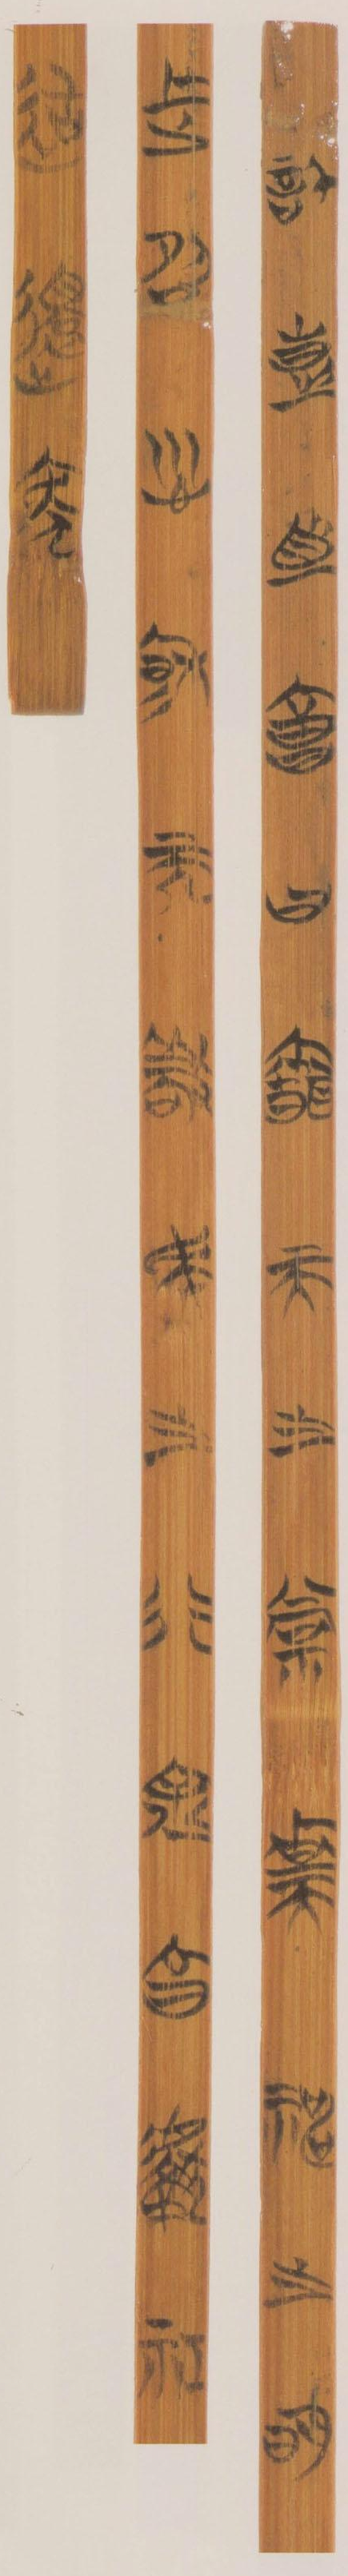信彭且會[合]曰{尒䎽}天之常{真天}（祗）神之明上B卲{川心}穆而敬民之行余亯獻{示工}适還{天虫}
